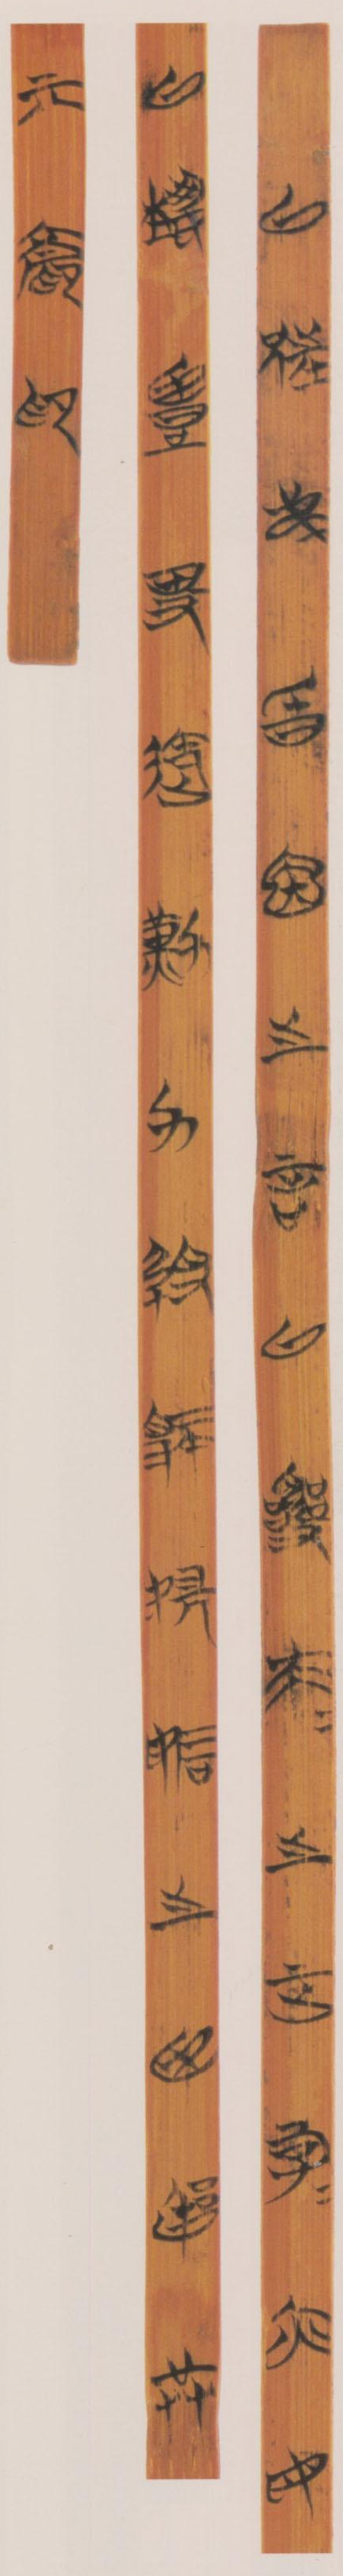㠯（以）{兄之𡈼}弟昏因之言㠯（以）{𤔔㗊}夫=之正乳=亦母㠯（以）埶{臣豆}卑御勤力{弓夬}{馬午}{女𡵂}妬之臣{身呂}共亓{产色}色
